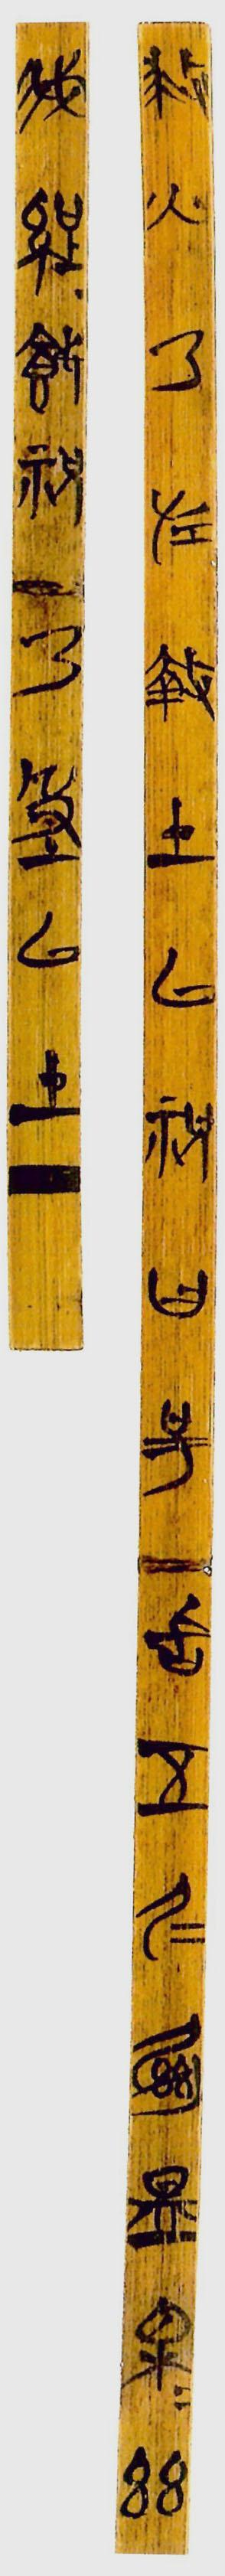救火乃左{幸攴}土㠯（以）祝曰号旨五𡰥{尸㡭}昷冥=兹我{糸呈}{食旡}祝乃{殳土}㠯（以）土
